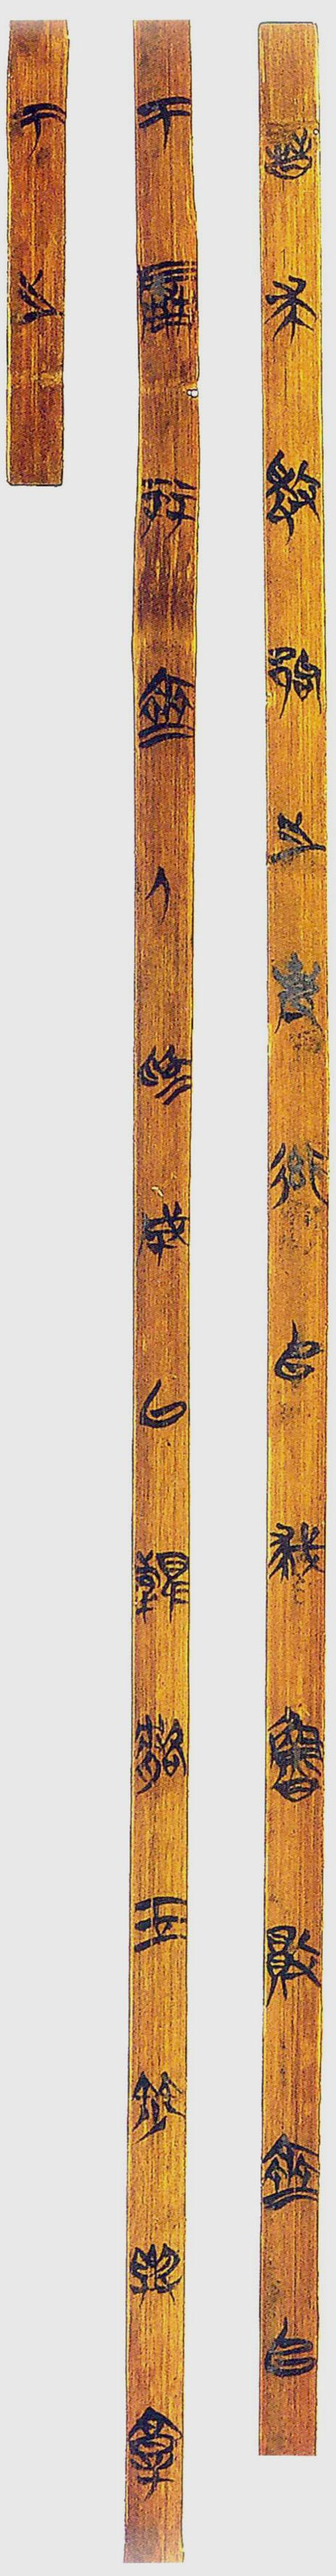晉求{爰攴}邭之尅率𠂤{求戈}魯敗齊𠂤于{石𣏟}幵齊人爲成㠯（以）{倝鳥}骼玉{竹少}與{亯羊}于之
